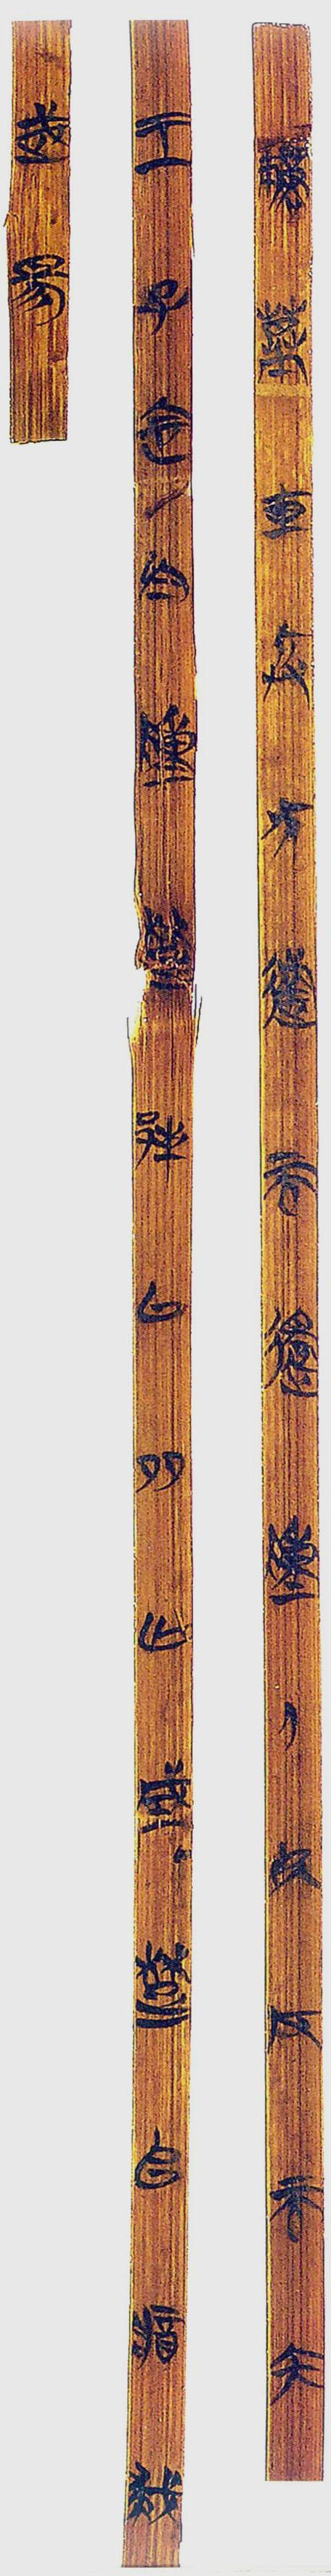{巾單口}幕車兵犬{止達}而還陳人𡚦反而內王子定於陳楚邦㠯（以）多亡城楚𠂤𨟻{求戈}武昜
